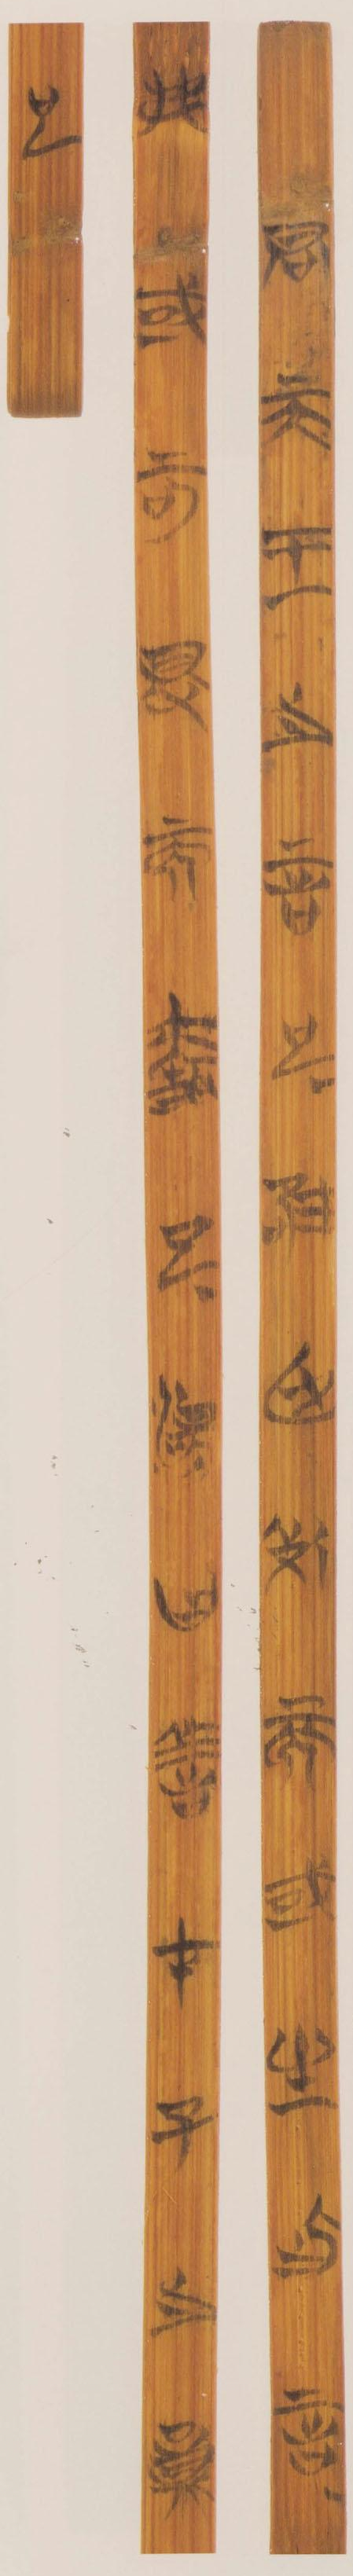君天王之言也唯臣死而或生此言弗或可𠭁而{尒䎽}也湯曰善才子之員也
